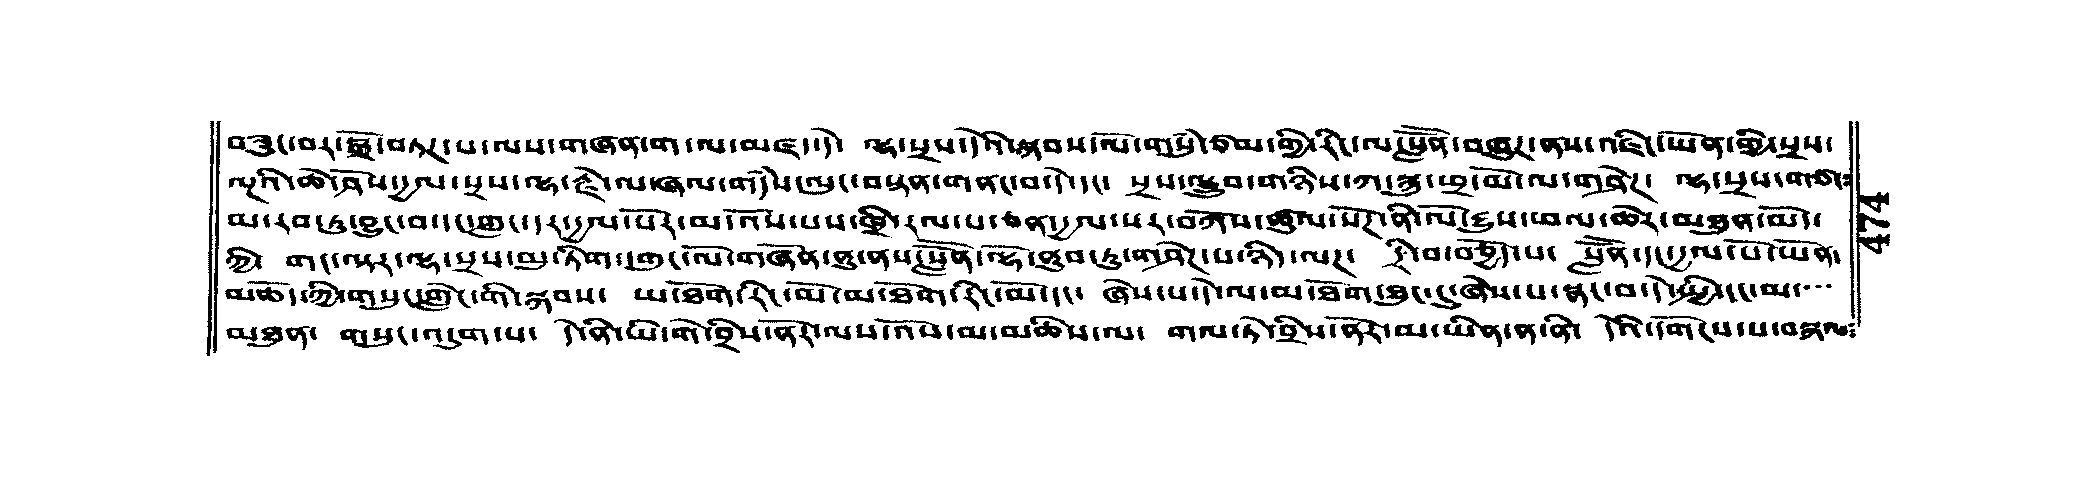བཟུང་བར་སྒྲོ་བཏགས་པ་ལས་གཞན་ག་ལ་མཛད་དེ། ལྷ་སྲས་དེའི་སྐབས་ལོ་གསུམ་ཙམ་གྱི་རིང་ལ་སློབ་དཔོན་བཞུགས་ནས་འཇིང་ཡོན་གྱི་སྲས་
ལྔའི་ཆེ་ཤོས་རྒྱལ་སྲས་ལྷ་རྗེ་ལ་ཞལ་གདམས་ལུང་བསྟན་གནང་བ་དེ་དང་། སྲས་ལྷུན་གྲུབ་གཉིས་ཀ་སྐུ་ན་ཕྲ་མོ་ལ་གཤེགས། ལྷ་སྲས་གཙང་
མ་རབ་ཏུ་བྱུང་བ་དང་གླང་དར་རྒྱལ་པོར་མ་འོས་པས་ཁྲི་རལ་པ་ཅན་རྒྱལ་སར་བཀོས་ཚུལ་སོགས་ནི་ལོ་རྒྱུས་ཕལ་ཆེར་མཐུན་མོད་
ཀྱི། གང་ལྟར་ལྷ་སྲས་མུ་ཏིག་དགུང་ལོ་གཞོན་ནུ་ནས་སློབ་དཔོན་ལྷོ་ནུབ་ཏུ་གཤེགས་པ་ཉིད་ལགས། དྲི་བ་བཅོ་བརྒྱད་པ། སློབ་དཔོན་དང་རྒྱལ་པོ་ཡོན་
མཆོད་ཀྱི་གསུང་གླེང་གི་སྐབས། ཡ་ཐོག་རིང་མོ་མ་ཐོག་རིང་མོ་དང་། ཞེས་པ་དེ་ལ་མ་ཐོག་ཐུང་ངུ་ཞེས་པ་སྣང་བ་དེ་སྤྱི་དང་མ་
མཐུན་གསུང་འདུག་པ། དེ་ནི་ཡི་གེ་བྲིས་ནོར་ལས་འོས་མ་མཆིས་ལ། གལ་ཏེ་བྲིས་ནོར་མ་ཡིན་ན་ནི། དེའི་དགོངས་པ་བསྐལ་